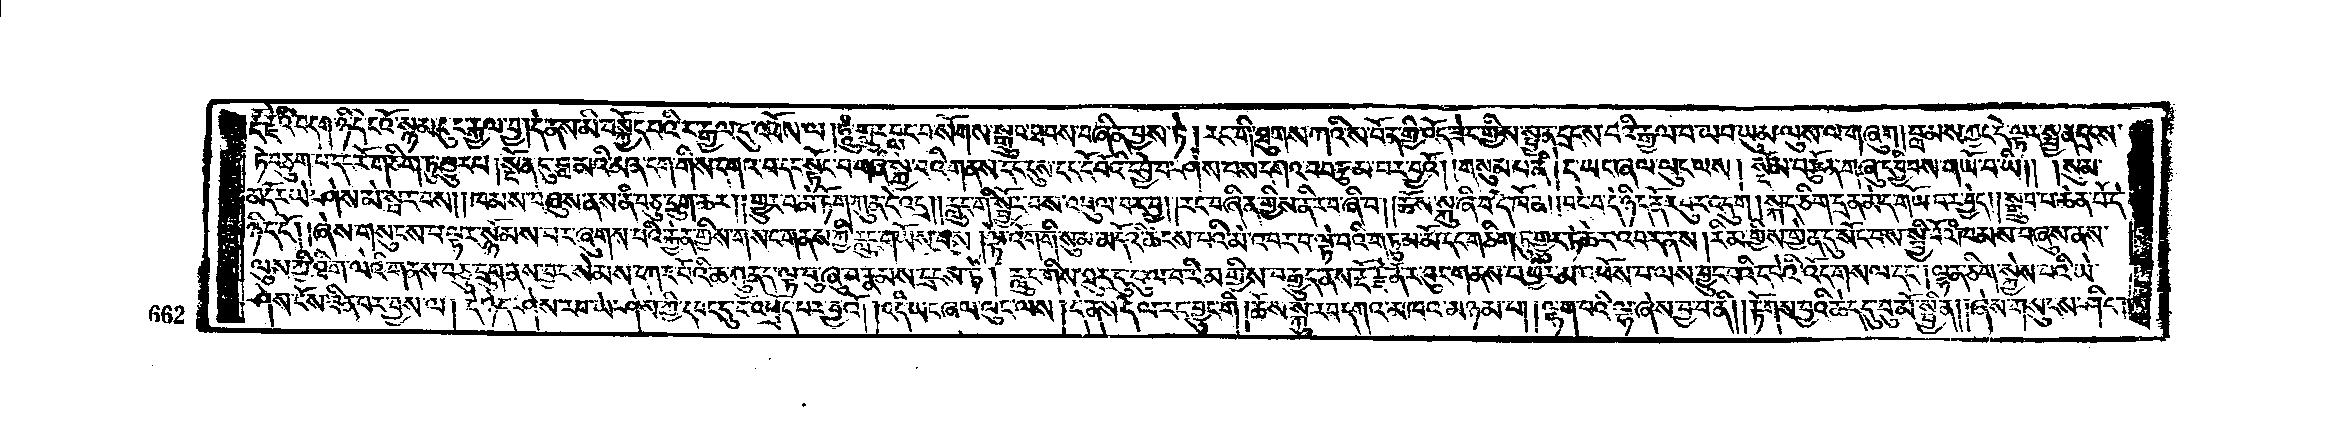རྡོ་རྗེའི་བདག་ཉིད་དེ་ངའོ་སྙམ་དུ་ང་རྒྱལ་བྱ། དེ་ནས་མི་བསྐྱོད་པའི་ང་རྒྱལ་དུ་འཕོས་ལ། ཧཱུཾ་གླུར་བླང་བ་སོགས་སྒྲུབ་ཐབས་བཞིན་བྱས་ཏེ། རང་གི་ཐུགས་ཀའི་ས་བོན་གྱི་འོད་ཟེར་གྱིས་སྤྱན་དྲངས་པའི་རྒྱལ་བ་ཡབ་ཡུམ་ལུས་ལ་གཞུག །བླ་མས་ཀྱང་དེ་ལྟར་སྤྱན་དྲངས་
ཏེ་བཅུག་པ་དང་རོ་གཅིག་ཏུ་གྱུར་པ། སྔོན་དུ་བླ་མའི་མན་ངག་གིས་དགའ་བ་དང་སྟོང་པ་བཞི་སྐྱེ་བའི་གནས་དང་དུས་དང་ངོ་བོའི་དབྱེ་བ་ཤེས་པས་དགའ་བ་བརྩམ་པར་བྱའོ། །གསུམ་པ་ནི། དེ་ཡང་ཞལ་ལུང་ལས། སྡོམ་བརྩོན་གཞུ་དབྱིབས་གཡོ་བ་ཡི།། །སུམ་
མདོར་ཡེ་ཤེས་མེ་སྦར་བས། །ཁམས་བཞུས་ནས་ནི་བཅུ་དྲུག་ཆར། །གྱུར་པ་མེ་ཏོག་ཀུན་དེ་འདྲ། །རླུང་གི་སྦྱོར་བས་འཕུལ་བར་བྱ། །རང་བཞིན་གྱིས་ནི་རབ་ཞི་བ། །ཆོས་སྐུ་ཞི་བ་དེ་ཁོ་ན། །བདེ་བ་དེ་ཉིད་ནོར་བུར་འདུག །སྐད་ཅིག་དྲན་མེད་གཡོ་བར་བྱེད། །སྒྲུབ་པ་ཆེན་པོ་དེ་
ཉིད་དོ། །ཞེས་གསུངས་པ་ལྟར་སྙོམས་པར་ཞུགས་པའི་རྐྱེན་གྱིས་གསང་གནས་ཀྱི་རླུང་གཡོས་པས། ལྟེ་འོག་གི་སུམ་མདོའི་ཚངས་པའི་མེ་འབར་བ་ལྟེ་བའི་གཏུམ་མོ་དང་གཅིག་ཏུ་གྱུར་ཏེ་ཆེར་འབར་ནས། རིམ་གྱིས་གྱེན་དུ་སོང་བས་སྤྱི་བོའི་ཁམས་བཞུས་ནས་
ལུས་ཀྱི་ཐིག་ལེའི་གནས་བཅུ་དྲུག་ནས་བྱང་སེམས་དཀར་པོའི་ཆ་ཀུན་ད་ལྟ་བུ་ཞུ་བ་རྣམས་དྲངས་ཏེ། རླུང་གིས་ཐུར་དུ་ཕུལ་བ་རིམ་གྱིས་བརྒྱུད་ནས་རྡོ་རྗེ་ནོར་བུར་གནས་པ་ཕྱིར་མ་འབོས་པ་ལས་བྱུང་བའི་དཔེའི་འོད་གསལ་དང་། ལྷན་ཅིག་སྐྱེས་པའི་ཡེ་
ཤེས་ངོས་ཟིན་པར་བྱས་ལ། དེ་ཉིད་ཤེས་རབ་ཡེ་ཤེས་ཀྱི་དབང་དུ་ངོ་འཕྲོད་པར་བྱའོ། །འདི་ཡང་ཞལ་ལུང་ལས། དེ་ནས་དེ་ལ་རང་བྱུང་གི །ཆོས་སྐུ་རབ་དགའ་མཁའ་མཉམ་པ། །ལྷག་པའི་ལྷ་ཞེས་བྱ་བ་ནི། །རྟོགས་བྱའི་ཆེད་དུ་བུ་མོ་སྦྱིན། །ཞེས་གསུངས་ཤིང་།